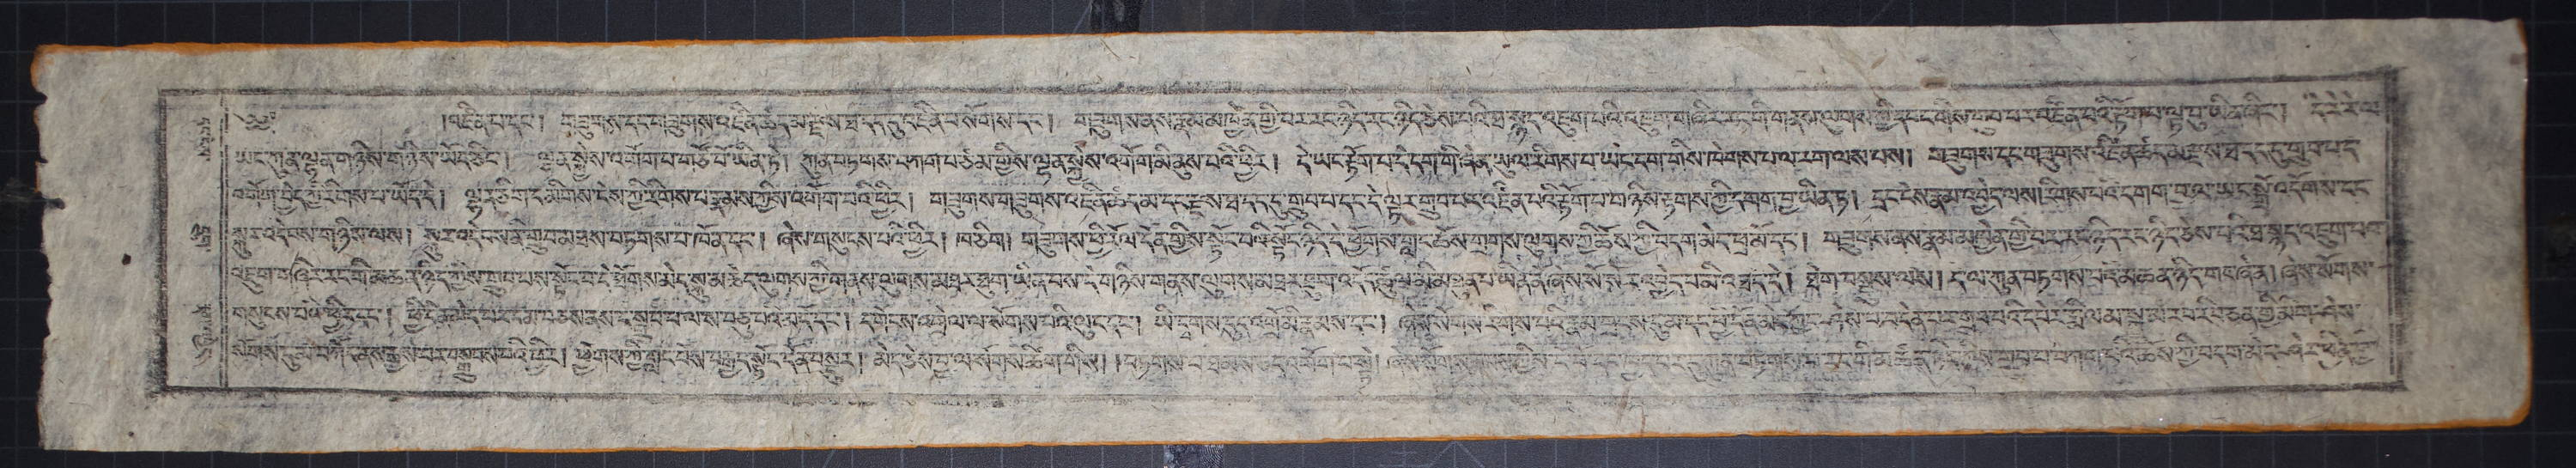༄༅། །འཛིན་པ་དང་། གཟུགས་དང་གཟུགས་འཛིན་ཚད་མ་རྫས་ཐ་དད་དུ་འཛིན་པ་སོགས་དང་། གཟུགས་ནས་རྣམ་མཁྱེན་གྱི་བར་རང་ཉིད་རང་ཉིད་ཅེས་པའི་ཐ་སྙད་འཇུག་པའི་འཇུག་གཞིར་རང་གི་གནས་ལུགས་ཀྱི་དབང་གིས་གྲུབ་པར་འཛིན་པའི་རྟོག་བ་ལྟ་བུ་ཡིན་ཞིང་། དེ་རེ་རེ་ལ་
ཡང་ཀུན་ལྷན་གཉིས་གཉིས་ཡོད་ཅིང་། ལྷན་སྐྱེས་འགོག་པ་གཙོ་བོ་ཡིན་ཏེ། ཀུན་བཏགས་བཀག་པ་ཙམ་གྱིས་ལྷན་སྐྱེས་འགོག་མི་ནུས་པའི་ཕྱིར། དེ་ཡང་རྟོག་པ་དེ་དག་གི་ཞེན་ཡུལ་རིགས་པ་ཡང་དག་གིས་ཁེགས་པ་ལ་རག་ལས་པས། གཟུགས་དང་གཟུགས་འཛིན་ཚད་མ་རྫས་ཐ་དད་དུ་གྲུབ་པ་དེ་
འགོག་བྱེད་ཀྱི་རིགས་པ་ཡོད་དེ། ལྷན་ཅིག་དམིགས་ངེས་ཀྱི་རིགས་པ་རྣམས་ཀྱིས་འགོག་པའི་ཕྱིར། གཟུགས་གཟུགས་འཛིན་ཚད་མ་དང་རྫས་ཐ་དད་དུ་གྲུབ་པ་དང་དེ་ལྟར་གྲུབ་པར་འཛིན་པའི་རྟོག་པ་གཉིས་རྟགས་ཀྱི་དགག་བྱ་ཡིན་ཏེ། དྲང་ངེས་རྣམ་འབྱེད་ལས། རིགས་པའི་དགག་བྱ་ལ་ཡང་སྒྲོ་འདོགས་དང་
སྐུར་འདེབས་གཉིས་ལས། སྐུར་འདེབས་ནི་གྲུབ་མཐས་བཏགས་པ་ཁོ་ན་དང་། ཞེས་གསུངས་པའི་ཕྱིར། ཁ་ཅིག །གཟུགས་ཕྱི་རོལ་དོན་གྱིས་སྟོང་བའི་སྟོང་ཉིད་དེ་ཕྱོགས་གླང་ཆོས་གྲགས་ལུགས་ཀྱི་ཆོས་ཀྱི་བདག་མེད་ཕྲ་མོ་དང་། གཟུགས་ནས་རྣམ་མཁྱེན་གྱི་བར་རང་ཉིད་རང་ཉིད་ཅེས་པའི་ཐ་སྙད་འཇུག་པའི་
འཇུག་གཞིར་རང་གི་མཚན་ཉིད་ཀྱིས་གྲུབ་པས་སྟོང་པ་དེ་ཐོགས་མེད་སྐུ་མཆེད་ལུགས་ཀྱི་གནས་ལུགས་མཐར་ཐུག་ཡིན་པས་དེ་གཉིས་གནས་ལུགས་མཐར་ཐུག་འདོད་ཚུལ་མི་མཐུན་པ་ཡིན་ནོ་ཞེས་སོ་སོར་འབྱེད་པ་མི་འཐད་དེ། ཐེག་བསྡུས་ལས། དེ་ལ་ཀུན་བཏགས་པའི་མཚན་ཉིད་གང་ཞེ་ན། ཞེས་སོགས་
གསུངས་པའི་ཕྱིར་དང་། ཕྱི་དོན་མེད་པར་དམ་བཅས་ནས་དེ་སྒྲུབ་པ་ལ་ས་བཅུ་པའི་མདོ་དང་། དགོངས་འགྲེལ་ལ་སོགས་པའི་ལུང་དང་། ཡི་དྭགས་དུད་འགྲོ་མི་རྣམས་དང་། ཞེས་སོགས་རིགས་པའི་རྣམ་གྲངས་དུ་མ་དང་ཕྱི་དོན་མེད་ཀྱང་ཤེས་པ་བདེན་པར་གྲུབ་པའི་དཔེར་རྨི་ལམ་སྒྱུ་མ་རབ་རིབ་ཅན་གྱི་མིག་ཤེས་
སོགས་དུ་མ་བཀོད་ནས་རྒྱས་པར་སྒྲུབས་པའི་ཕྱིར། ཕྱོགས་ཀྱི་གླང་པོས་བརྒྱད་སྟོང་དོན་བསྡུར། མེད་ཅེས་བྱ་ལ་སོགས་ཚིག་གིས། །བཏགས་པ་ཐམས་ཅད་འགོག་པ་སྟེ། ཞེས་སོགས་རྣམས་ཀྱིས་ངོ་བོ་དང་ཁྱད་པར་དུ་ཀུན་བཏགས་པ་རང་གི་མཚན་ཉིད་ཀྱིས་གྲུབ་པ་བཀག་པའི་ཆོས་ཀྱི་བདག་མེད་ཤེར་ཕྱིན་གྱི་